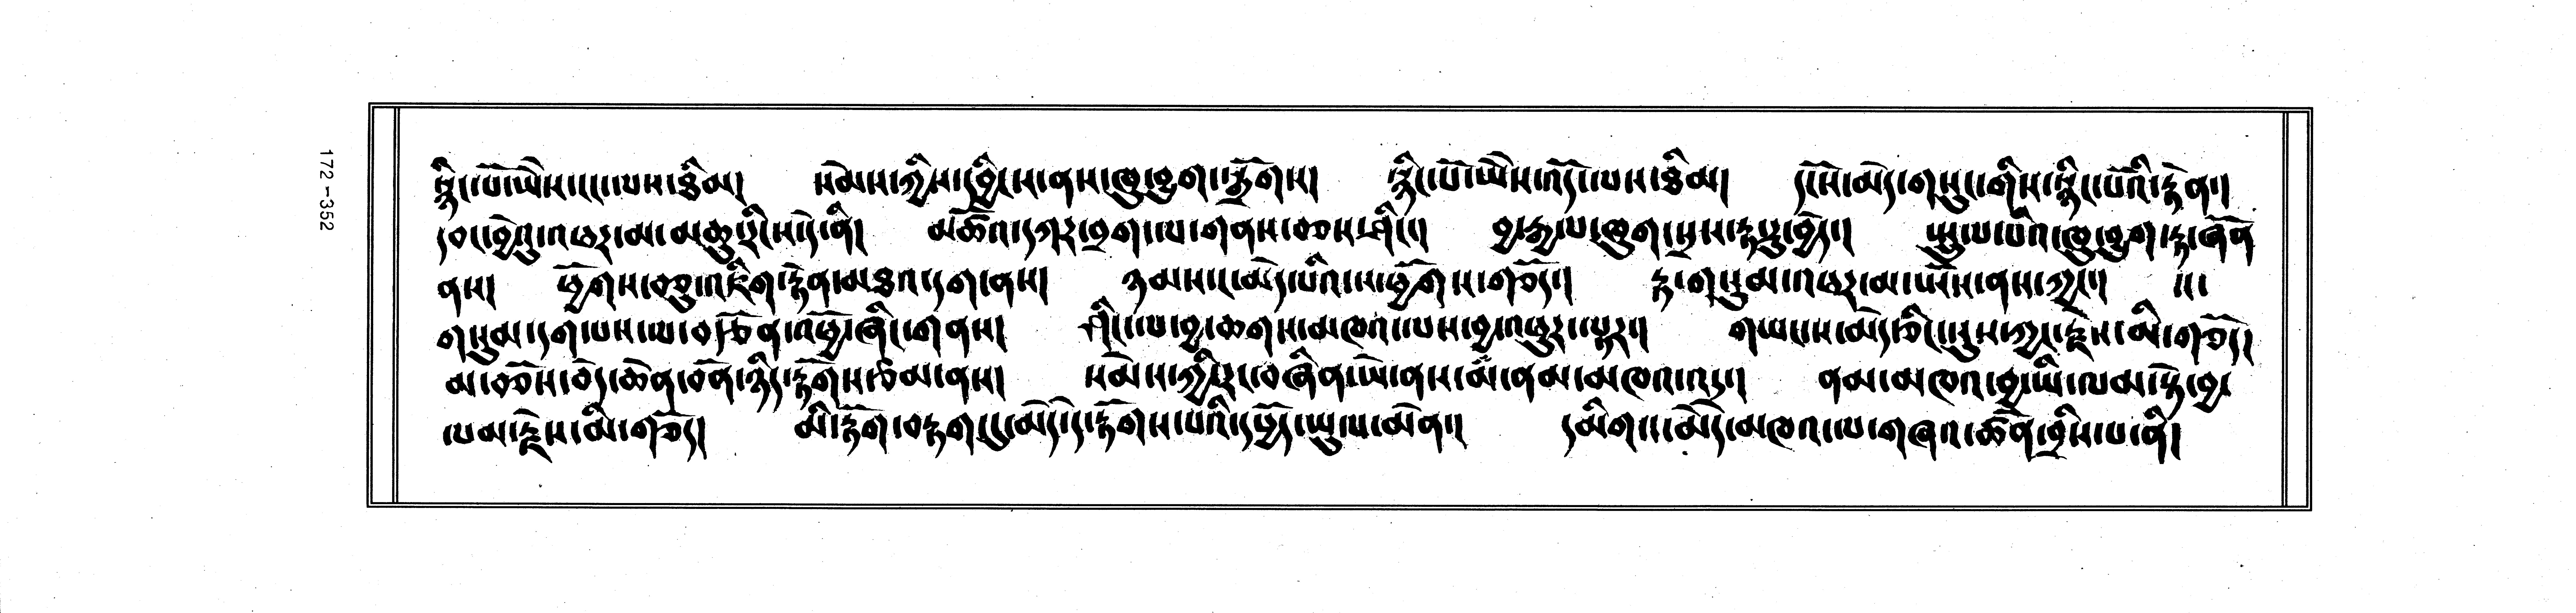སྙིང་པོ་ཡེ་ཤེས་ངང་ལས་ཐིམ། སེམས་ཀྱིས་དབྱིངས་ནས་ཁུ་བྱུག་སྒྲོགས། སྙིང་པོ་ཡེ་ཤེས་འོད་ལས་ཐིམ། དངོས་མེད་གསུང་གིས་སྙིང་པོའི་རྟེན། 
དབང་བྱེའུ་འཕར་མ་མཆུ་རིངས་ནི། མཚོའ་དཀར་བྲག་ལ་གནས་བཅས་ཤིང་། བྱ་རྒྱལ་ཁུག་སྲས་རྟ་རུ་བྱེད། སྤྲུལ་པའི་ཁུ་བྱུག་རྟ་ཞོན་
ནས། ཕྱོགས་བཅུ་འཇིག་རྟེན་མཐའ་དག་ནས། ཉམས་ང་མེད་པའི་ས་ཕྱོགས་གཅོད། རྟ་གསུམ་འཕར་མ་སྤོས་ནས་ཀྱང་། ས་
གསུམ་དག་པས་ལ་བརྩོན་འཕྱོ་ཞིང་གནས། ཤིང་ལ་བྱ་ཆགས་མཁའ་ལས་བྱ་འཕུར་ལྟར། གཡང་ས་མེད་ཅིང་སུས་ཀྱང་རྗེས་མི་གཅོད། 
མ་བཅོས་བདེ་ཆེན་བོན་ཉིད་རྟོགས་ཙམ་ནས། སེམས་ཀྱི་རང་བཞིན་ཡེ་ནས་ནམ་མཁའ་འདྲ། ནམ་མཁའ་བྱ་ཡི་ལམ་སྟེ་བྱ་
ལམ་རྗེས་མི་གཅོད། མི་རྟོགས་བརྟག་དུ་མེད་དེ་རྟོགས་པའི་དཔྱོད་ཡུལ་མིན། དམིགས་མེད་མཁའ་ལ་གཞའ་ཚོན་བྲིས་པ་ནི།